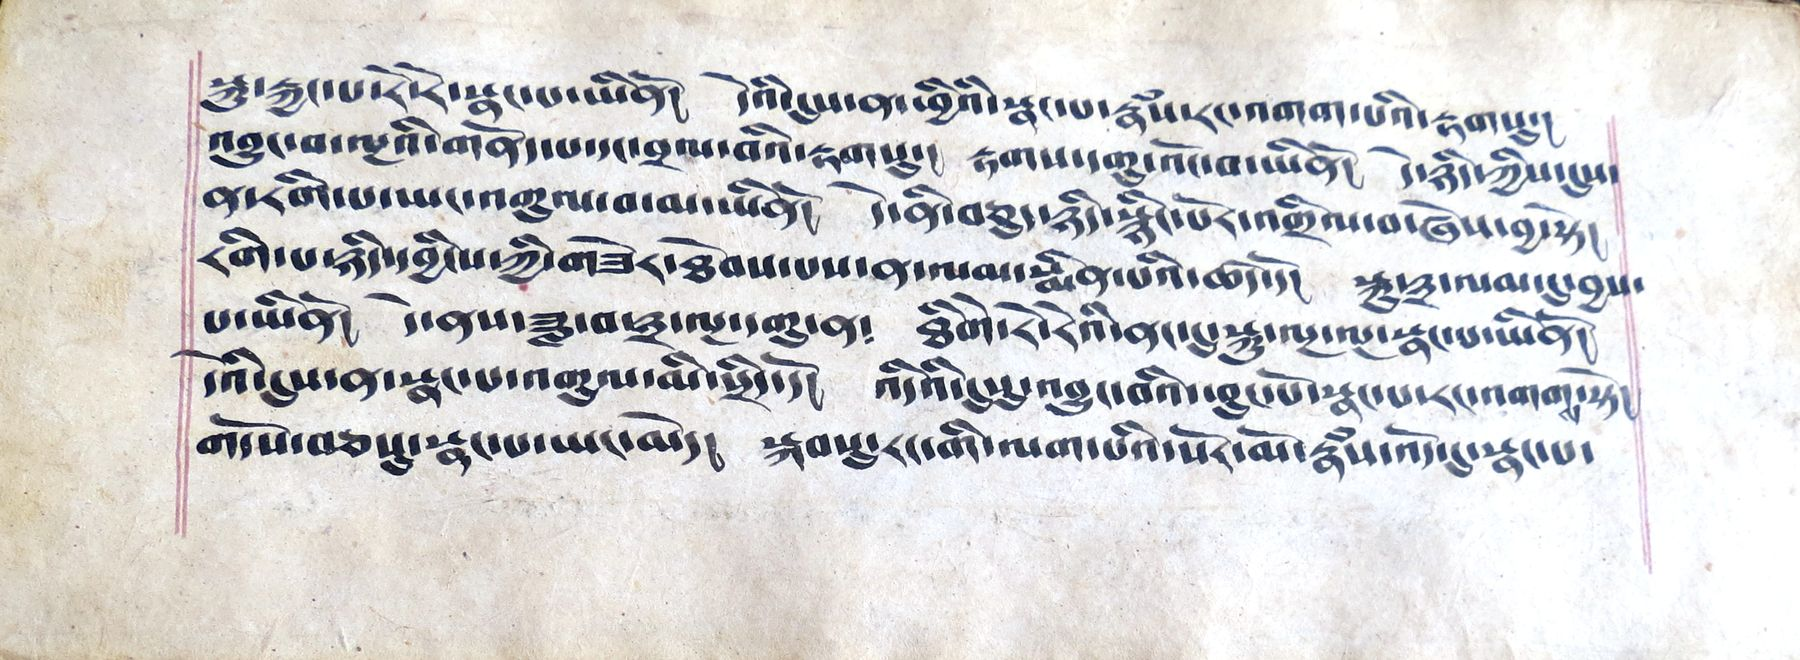སྐུ་རྐྱང་པ་རེ་རེ་སྣང་བ་ཡིན་ནོ། དེའི་དུས་སུ་ཕྱིའི་སྣང་བ་རྣམས་རང་འགག་པའི་རྟགས་སུ། 
འབྱུང་བ་ལྔའི་གནོད་པ་དང་བྲལ་པ་ལས་སོགས་ཏེ། རྟགས་དགུ་འོང་བ་ཡིན་ནོ། །དེ་ཉིད་ཀྱི་དུས་
ན་རིག་པ་ཡང་འགུལ་བ་མེད་པ་ཡིན་ནོ། །དེ་ནི་བཅུད་ཉིད་སྙིང་པོར་འདྲིལ་བ་ཞེས་བྱ་སྟེ། 
རིག་པ་ཉིད་དབྱིངས་ཀྱིས་གཟེར་ཐེབས་པས་ན། ལམ་སྨིན་པའི་ཚད་དོ། །སྐུ་གསུམ་ལམ་དུ་བྱས་
པ་ཡིན་ནོ། །དེ་ནས་ཟླ་བ་གསུམ་ལྔ་དགུ་ན། ཐིག་ལེ་རེ་རེའི་ནང་དུ་སྐུ་ལྔ་ལྔ་སྣང་བ་ཡིན་ནོ། །
དེའི་དུས་ན་སྣང་བ་འགུལ་མི་སྲིད་དོ། །འདི་ཡི་དུས་སུ་འབྱུང་བ་ཕུང་པོའི་སྣང་བ་རང་འགགས་ཏེ། 
གདོས་བཅས་སུ་སྣང་བ་ཡང་མེད་དེ། སྐབས་སུ་རང་གི་ལག་པའི་སོར་མོ་རྣམས་འོད་དུ་སྣང་བ་